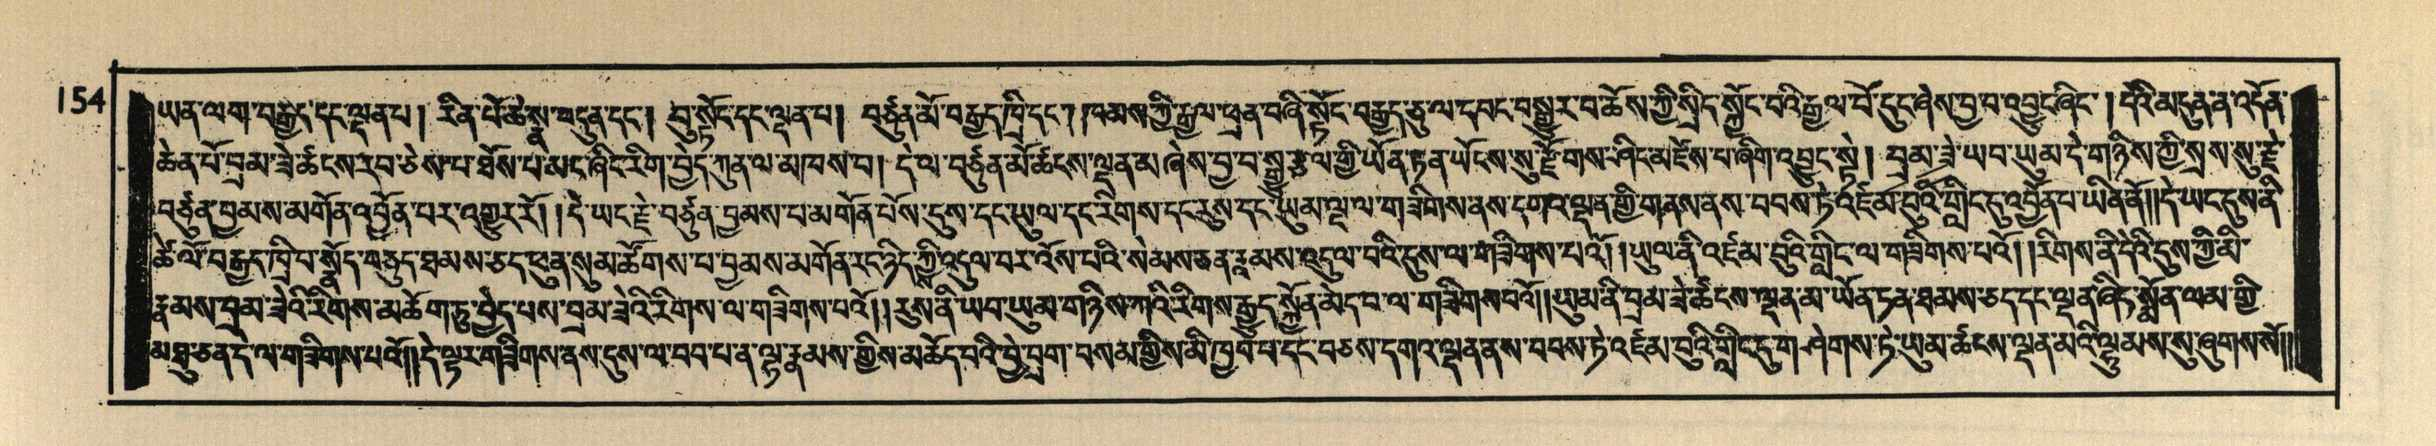ཡན་ལག་བརྒྱད་དང་ལྡན་པ། རིན་པོ་ཆེ་སྣ་བདུན་དང་། བུ་སྟོང་དང་ལྡན་པ། བཙུན་མོ་བརྒྱད་ཁྲི་དང་། ཁམས་ཀྱི་རྒྱལ་ཕྲན་བཞི་སྟོང་བརྒྱད་ཅུ་ལ་དབང་བསྒྱུར་བ་ཆོས་ཀྱི་སྲིད་སྐྱོང་བའི་རྒྱལ་བོ་དུང་ཞེས་བྱ་བ་འབྱུང་ཞིང་། དེའི་མདུན་ན་འདོན་
ཆེན་པོ་བྲམ་ཟེ་ཚངས་རབ་ཅེས་པ་ཐོས་པ་མང་ཞིང་རིག་བྱེད་ཀུན་ལ་མཁས་བ། དེ་ལ་བཙུན་མོ་ཚངས་ལྡན་མ་ཞེས་བྱ་བ་སྒྱུ་རྩལ་གྱི་ཡོན་ཏན་ཡོངས་སུ་རྫོགས་ཤིང་མཛེས་པ་ཞིག་འབྱུང་སྟེ། བྲམ་ཟེ་ཡབ་ཡུམ་དེ་གཉིས་ཀྱི་སྲས་སུ་རྗེ་
བཙུན་བྱམས་མགོན་འབྱོན་པར་འགྱུར་རོ། །དེ་ཡང་རྗེ་བཙུན་བྱམས་པ་མགོན་པོས་དུས་དང་ཡུལ་དང་རིགས་དང་རུས་དང་ཡུམ་ལྔ་ལ་གཟིགས་ནས་དགའ་ལྡན་གྱི་གནས་ནས་བབས་ཏེ་འཛམ་བུའི་གླིང་དུ་འབྱོན་པ་ཡིན་ནོ། །དེ་ཡང་དུས་ནི་
ཚེ་ལོ་བརྒྱད་ཁྲི་པ་སྣོད་བཅུད་ཐམས་ཅད་ཕུན་སུམ་ཚོགས་པ་བྱམས་མགོན་རང་ཉིད་ཀྱིས་འདུལ་བར་འོས་པའི་སེམས་ཅན་རྣམས་འདུལ་བའི་དུས་ལ་གཟིགས་པའོ། །ཡུལ་ནི་འཛམ་བུའི་གླིང་ལ་གཟིགས་པའོ། །རིགས་ནི་དེའི་དུས་ཀྱི་མི་
རྣམས་བྲམ་ཟེའི་རིགས་མཆོག་ཏུ་བྱེད་པས་བྲམ་ཟེའི་རིགས་ལ་གཟིགས་པའོ། །རུས་ནི་ཡབ་ཡུམ་གཉིས་ཀའི་རིགས་རྒྱུད་སྐྱོན་མེད་བ་ལ་གཟིགས་བའོ། །ཡུམ་ནི་བྲམ་ཟེ་ཚངས་ལྡན་མ་ཡོན་ཏན་ཐམས་ཅད་དང་ལྡན་ཞིང་སྨོན་ལམ་གྱི་
མཐུ་ཅན་དེ་ལ་གཟིགས་པའོ། །དེ་ལྟར་གཟིགས་ནས་དུས་ལ་བབ་པ་ན་ལྷ་རྣམས་གྱིས་མཆོད་བའི་བྱེ་བྲག་བསམ་གྱིས་མི་ཁྱབ་པ་དང་བཅས་དགའ་ལྡན་ནས་བབས་ཏེ་འཛམ་བུའི་གླིང་དུ་གཤེགས་ཏེ་ཡུམ་ཚངས་ལྡན་མའི་ལྷུམས་སུ་ཞུགས་སོ།།